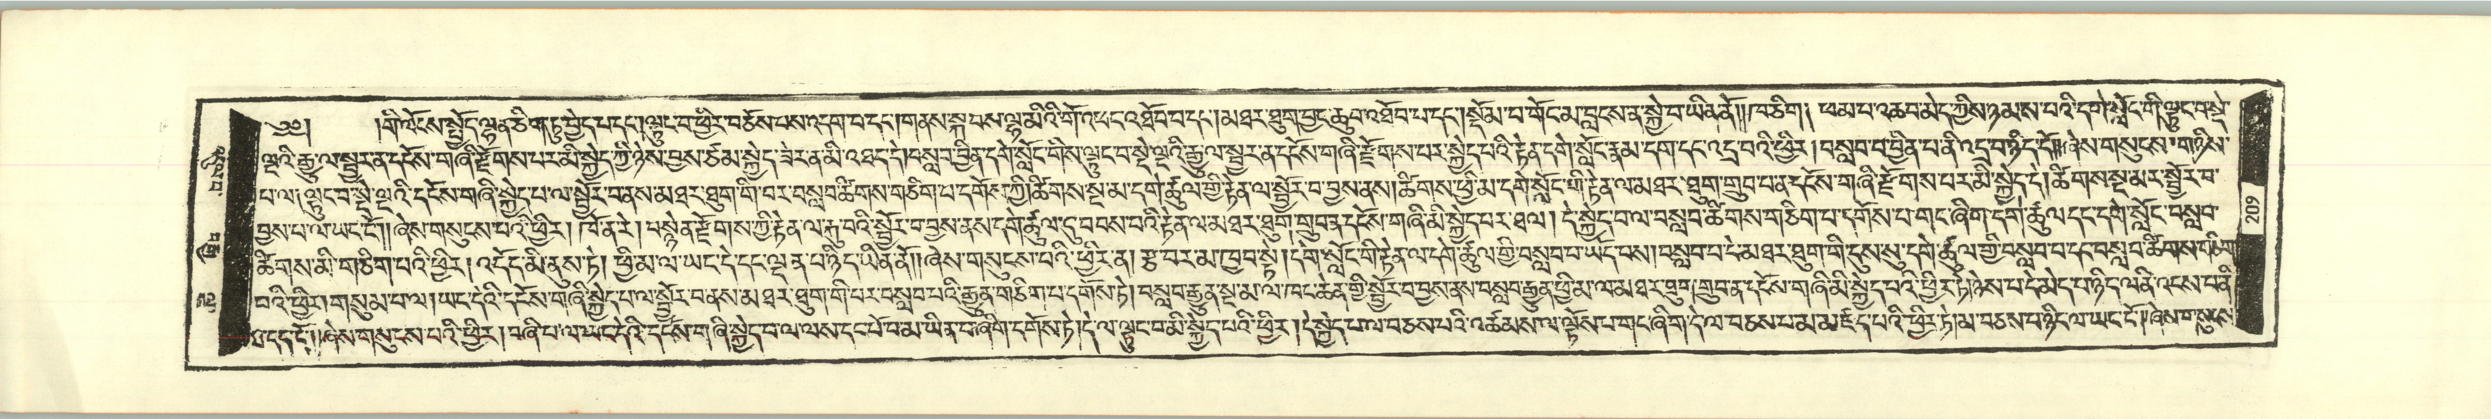༄༅། །གི་ལོངས་སྤྱོད་ལྷན་ཅིག་ཏུ་བྱེད་པ་དང་། ལྟུང་བ་ཕྱིར་བཅོས་པས་འདག་བ་དང་། གནས་སྐབས་ལྷ་མིའི་གོ་འཕང་འཐོབ་བ་དང་། མཐར་ཐུག་བྱང་ཆུབ་འཐོབ་པ་དང་། སྡོམ་པ་གོང་མ་བླངས་ན་སྐྱེ་བ་ཡིན་ནོ། །ཁ་ཅིག །ཕམ་པ་འཆབ་མེད་ཀྱིས་ཉམས་པའི་དགེ་སློང་གི་ལྟུང་བ་སྡེ་
ལྔའི་རྒྱུ་ལ་སྦྱར་ན་དངོས་གཞི་རྫོགས་པར་མི་སྐྱེད་ཀྱི་ཉེས་བྱས་ཙམ་སྐྱེད་ཟེར་ན་མི་འཐད་དེ། བསླབ་བྱིན་དགེ་སློང་གིས་ལྟུང་བ་སྡེ་ལྔའི་རྒྱུ་ལ་སྦྱར་ན་དངོས་གཞི་རྫོགས་པར་སྐྱེད་པའི་རྟེན་དགེ་སློང་རྣམ་དག་དང་འདྲ་བའི་ཕྱིར། བསླབ་བ་བྱིན་པ་ནི་འདྲ་བ་ཉིད་དོ། །ཞེས་གསུངས་གཉིས་
པ་ལ། ལྟུང་བ་སྡེ་ལྔའི་དངོས་གཞི་སྐྱེད་པ་ལ་སྦྱོར་བ་ནས་མཐར་ཐུག་གི་བར་བསླབ་ཚིགས་གཅིག་པ་དགོས་ཀྱི། ཚིགས་སྔ་མ་དགེ་ཚུལ་གྱི་རྟེན་ལ་སྦྱོར་བ་བྱས་ནས། ཚིགས་ཕྱི་མ་དགེ་སློང་གི་རྟེན་ལ་མཐར་ཐུག་གྲུབ་པ་ན་དངོས་གཞི་རྫོགས་པར་མི་སྐྱེད་དེ། ཚིགས་སྔ་མར་སྦྱོར་བ་
བྱས་པ་ལ་ཡང་ངོ། །ཞེས་གསུངས་པའི་ཕྱིར། ཁོ་ན་རེ། བསྙེན་རྫོགས་ཀྱི་རྟེན་ལ་རྐུ་བའི་སྦྱོར་བ་བྱས་ནས་དགེ་ཚུལ་དུ་བབས་པའི་རྟེན་ལ་མཐར་ཐུག་གྲུབ་ན་དངོས་གཞི་མི་སྐྱེད་པར་ཐལ། དེ་སྐྱེད་བ་ལ་བསླབ་ཚིགས་གཅིག་པ་དགོས་པ་གང་ཞིག་དགེ་ཚུལ་དང་དགེ་སློང་བསླབ་
ཚིགས་མི་གཅིག་པའི་ཕྱིར། འདོད་མི་ནུས་ཏེ། ཕྱི་མ་ལ་ཡང་དེ་དང་ལྡན་པ་ཉིད་ཡིན་ནོ། །ཞེས་གསུངས་པའི་ཕྱིར་ན། རྩ་བར་མ་ཁྱབ་སྟེ། དགེ་སློང་གི་རྟེན་ལ་དགེ་ཚུལ་གྱི་བསླབ་པ་ཡོད་པས། བསླབ་པ་དེ་མཐར་ཐུག་གི་དུས་སུ་དགེ་ཚུལ་གྱི་བསླབ་པ་དང་བསླབ་ཚིགས་གཅིག་
བའི་ཕྱིར། གསུམ་པ་ལ། ཡང་དེའི་དངོས་གཞི་སྐྱེད་པ་ལ་སྦྱོར་བ་ནས་མཐར་ཐུག་གི་པར་བསླབ་པའིར་གྱུང་ཅིག་པ་དགོས་ཏེ། བསླབ་རྒྱུན་སྔ་མ་ལ་ཁང་ཆེན་གྱིས་བྱོར་བ་བྱས་ནས་བསླབ་རྒྱུན་ཕྱི་མ་ལ་མཐར་ཐུག་གྲུབ་ན་དངོས་གཞི་མི་སྐྱེད་པའི་ཕྱིར་ཏེ། ཉེས་པ་དེ་མེད་པ་ཉིད་ལ་ནི་འདས་པ་ནི་
ཐ་དད་དོ། །ཞེས་གསུངས་པའི་ཕྱིར། བཞི་པ་ལ་ཡང་དེའིད་ངོས་གཞི་སྐྱེད་པ་ལ་ལས་དང་པོ་བ་མ་ཡིན་པ་ཞིག་དགོས་ཏེ། དེ་ལ་ལྟུང་བ་མི་སྐྱེད་པའི་ཕྱིར། དེ་སྐྱེད་པ་ལ་བཅས་པའི་འཚམས་ལ་ལྟོས་པ་གང་ཞིག་དེ་ལ་བཅས་པ་མ་མཛད་པའི་ཕྱིར་ཏེ། མ་བཅས་པ་ཉིད་ལ་ཡང་ངོ། །ཞེས་གསུངས་